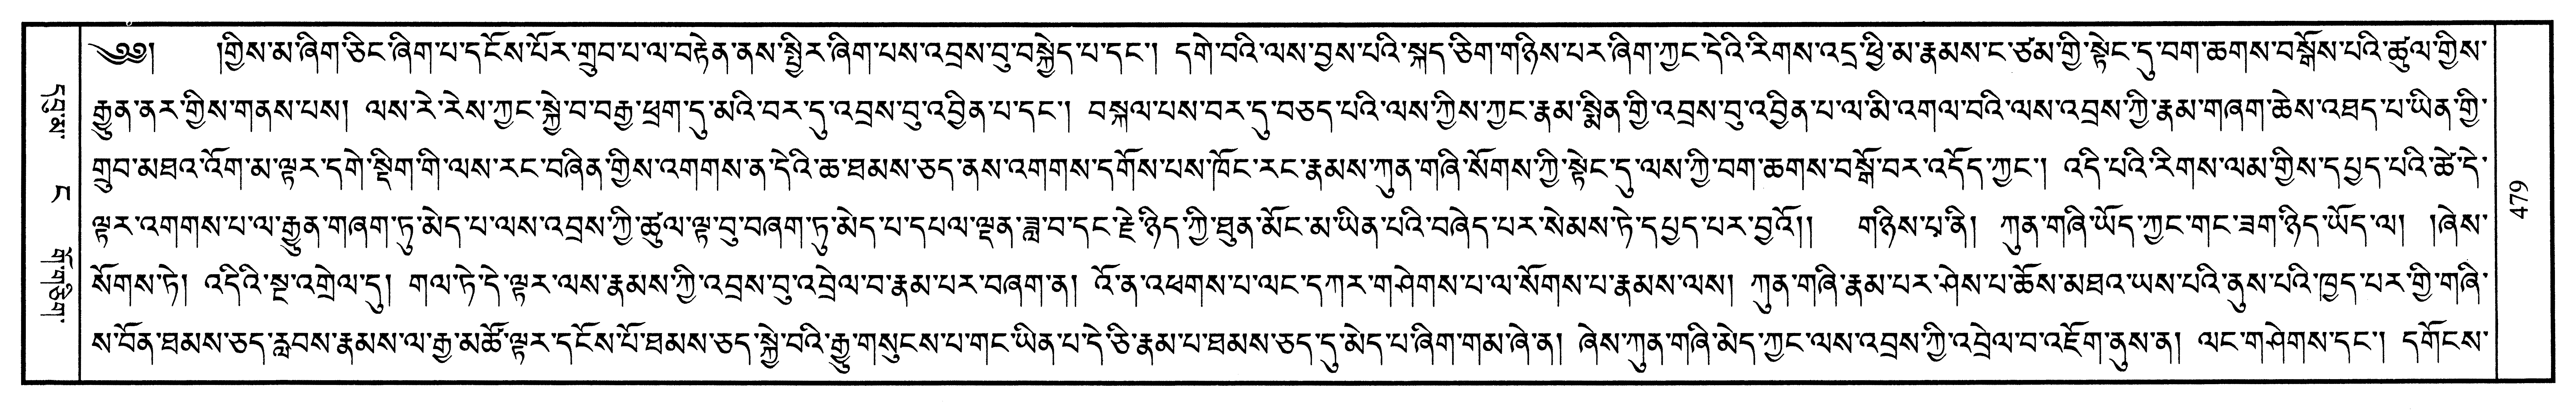༄༅། །གྱིས་མ་ཞིག་ཅིང་ཞིག་པ་དངོས་པོར་གྲུབ་པ་ལ་བརྟེན་ནས་སྤྱིར་ཞིག་པས་འབྲས་བུ་བསྐྱེད་པ་དང་། དགེ་བའི་ལས་བྱས་པའི་སྐད་ཅིག་གཉིས་པར་ཞིག་ཀྱང་དེའི་རིགས་འདྲ་ཕྱི་མ་རྣམས་ང་ཙམ་གྱི་སྟེང་དུ་བག་ཆགས་བསྒོས་པའི་ཚུལ་གྱིས་
རྒྱུན་ནར་གྱིས་གནས་པས། ལས་རེ་རེས་ཀྱང་སྐྱེ་བ་བརྒྱ་ཕྲག་དུ་མའི་བར་དུ་འབྲས་བུ་འབྱིན་པ་དང་། བསྐལ་པས་བར་དུ་བཅད་པའི་ལས་ཀྱིས་ཀྱང་རྣམ་སྨིན་གྱི་འབྲས་བུ་འབྱིན་པ་ལ་མི་འགལ་བའི་ལས་འབྲས་ཀྱི་རྣམ་གཞག་ཆེས་འཐད་པ་ཡིན་གྱི་
གྲུབ་མཐའ་འོག་མ་ལྟར་དགེ་སྡིག་གི་ལས་རང་བཞིན་གྱིས་འགགས་ན་དེའི་ཆ་ཐམས་ཅད་ནས་འགགས་དགོས་པས་ཁོང་རང་རྣམས་ཀུན་གཞི་སོགས་ཀྱི་སྟེང་དུ་ལས་ཀྱི་བག་ཆགས་བསྒོ་བར་འདོད་ཀྱང་། འདི་པའི་རིགས་ལམ་གྱིས་དཔྱད་པའི་ཚེ་དེ་
ལྟར་འགགས་པ་ལ་རྒྱུན་གཞག་ཏུ་མེད་པ་ལས་འབྲས་ཀྱི་ཚུལ་ལྟ་བུ་བཞག་ཏུ་མེད་པ་དཔལ་ལྡན་ཟླ་བ་དང་རྗེ་ཉིད་ཀྱི་ཐུན་མོང་མ་ཡིན་པའི་བཞེད་པར་སེམས་ཏེ་དཔྱད་པར་བྱའོ།། གཉིས་པ་ནི། ཀུན་གཞི་ཡོད་ཀྱང་གང་ཟག་ཉིད་ཡོད་ལ། །ཞེས་
སོགས་ཏེ། འདིའི་སྔ་འགྲེལ་དུ། གལ་ཏེ་དེ་ལྟར་ལས་རྣམས་ཀྱི་འབྲས་བུ་འབྲེལ་བ་རྣམ་པར་བཞག་ན། འོ་ན་འཕགས་པ་ལང་དཀར་གཤེགས་པ་ལ་སོགས་པ་རྣམས་ལས། ཀུན་གཞི་རྣམ་པར་ཤེས་པ་ཆོས་མཐའ་ཡས་པའི་ནུས་པའི་ཁྱད་པར་གྱི་གཞི་
ས་བོན་ཐམས་ཅད་རླབས་རྣམས་ལ་རྒྱ་མཚོ་ལྟར་དངོས་པོ་ཐམས་ཅད་སྐྱེ་བའི་རྒྱུ་གསུངས་པ་གང་ཡིན་པ་དེ་ཅི་རྣམ་པ་ཐམས་ཅད་དུ་མེད་པ་ཞིག་གམ་ཞེ་ན། ཞེས་ཀུན་གཞི་མེད་ཀྱང་ལས་འབྲས་ཀྱི་འབྲེལ་བ་འཇོག་ནུས་ན། ལང་གཤེགས་དང་། དགོངས་